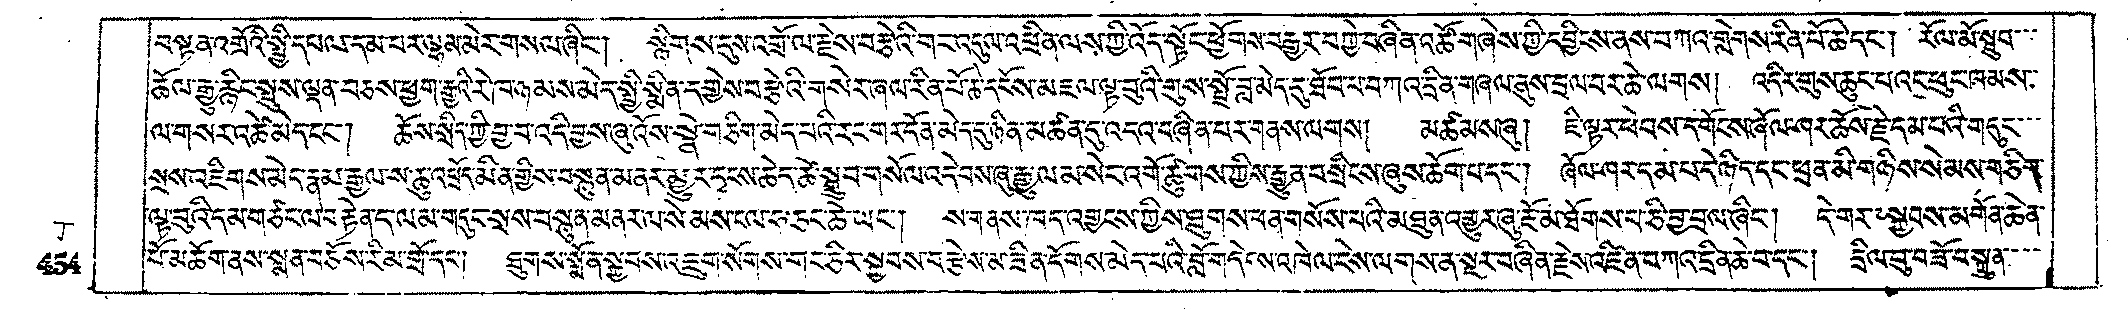བསྟན་འགྲོའི་སྤྱི་དཔལ་དམ་པར་ལྷམ་མེར་གསལ་ཞིང་། སྙིགས་དུས་འགྲོ་ལ་རྗེས་བརྩེའི་གང་འདུལ་འཕྲིན་ལས་ཀྱི་འོད་སྟོང་ཕྱོགས་བརྒྱར་བཀྱེ་བཞིན་འཚོ་གཞེས་ཀྱི་དབྱིངས་ནས་བཀའ་གླེགས་རིན་པོ་ཆེ་དང་། རོལ་མོ་སྦུབ་་་
ཆོལ་རྒྱུ་རྙིང་སྤུས་ལྡན་བཅས་ཕྱག་རྒྱའི་རེ་ཁ་ཉམས་མེད་སྤྱི་སྨིན་དགྱེས་བརྩེའི་གསེར་ཞལ་རིན་པོ་ཆེ་དངོས་མཇལ་ལྟ་བུའི་གུས་སྤྲོ་བླ་མེད་དུ་ཐོབ་པ་བཀའ་དྲིན་གཞལ་ནུས་བྲལ་བར་ཆེ་ལགས། འདིར་གུས་ཆུང་པའང་ཕུང་ཁམྶ་་་
ལ་གསར་འཚེ་མེད་ངང་། ཆོས་སྲིད་ཀྱི་བྱ་བ་འདི་བྱས་ཞུ་འོས་སྣེ་གཅིག་མེད་པའི་རང་གར་དོན་མེད་དུ་ཉིན་མཚན་དུ་འདའ་བཞིན་པར་གནས་ལགས། མཚམས་ཞུ། ཇི་ལྟར་ཕེབས་དགོངས་ཞོལ་ཤར་ཆོས་རྗེ་དམ་པའི་གདུང་་་
སྲས་འཇིགས་མེད་རྣམ་རྒྱལ་ས་ཆུ་འཕྲོད་མིན་གྱིས་བསྙུན་མནར་མྱུར་དྭངས་ཆེད་ཚེ་སྒྲུབ་གསོལ་འདེབས་ཞུ་རྒྱུ་ལམ་སེང་འགོ་ཚུགས་ཀྱིས་རྒྱུན་བསྲིངས་ཞུས་ཆོག་པ་དང་། ཞོལ་ཤར་དམ་པ་དེ་ཉིད་དང་ཕྲན་མི་གཉིས་སེམས་གཅིག་
ལྟ་བུའི་དམ་གཙང་ལ་བརྟེན་ད་ལམ་གདུང་སྲས་བསྙུན་མནར་ལ་སེམས་ངལ་ཧ་ཅང་ཆེ་ཡང་། ས་གནས་ཁད་འགྱངས་ཀྱིས་ཐུགས་ཕན་གསོས་པའི་མཐུན་འགྱུར་ཞུ་རྔོ་མ་ཐོགས་པ་ཅི་བྱ་བྲལ་ཞིང་། དེ་གར ༧སྐྱབས་མགོན་ཆེན་
པོ་མཆོག་ནས་སྨན་བཅོས་རིམ་གྲོ་དང་། ཐུགས་སྨོན་སྐྱབས་འཇུག་སོགས་གང་ཅིར་སྐྱབས་བརྩེས་མ་ཟིན་དོགས་མེད་པའི་བློ་གདེངས་འཁེལ་ངེས་ལགས་ན་སྔར་བཞིན་རྗེས་འཛིན་བཀའ་དྲིན་ཆེ་བ་དང་། དྲིལ་བུ་བཟོ་བསྐྲུན་་་